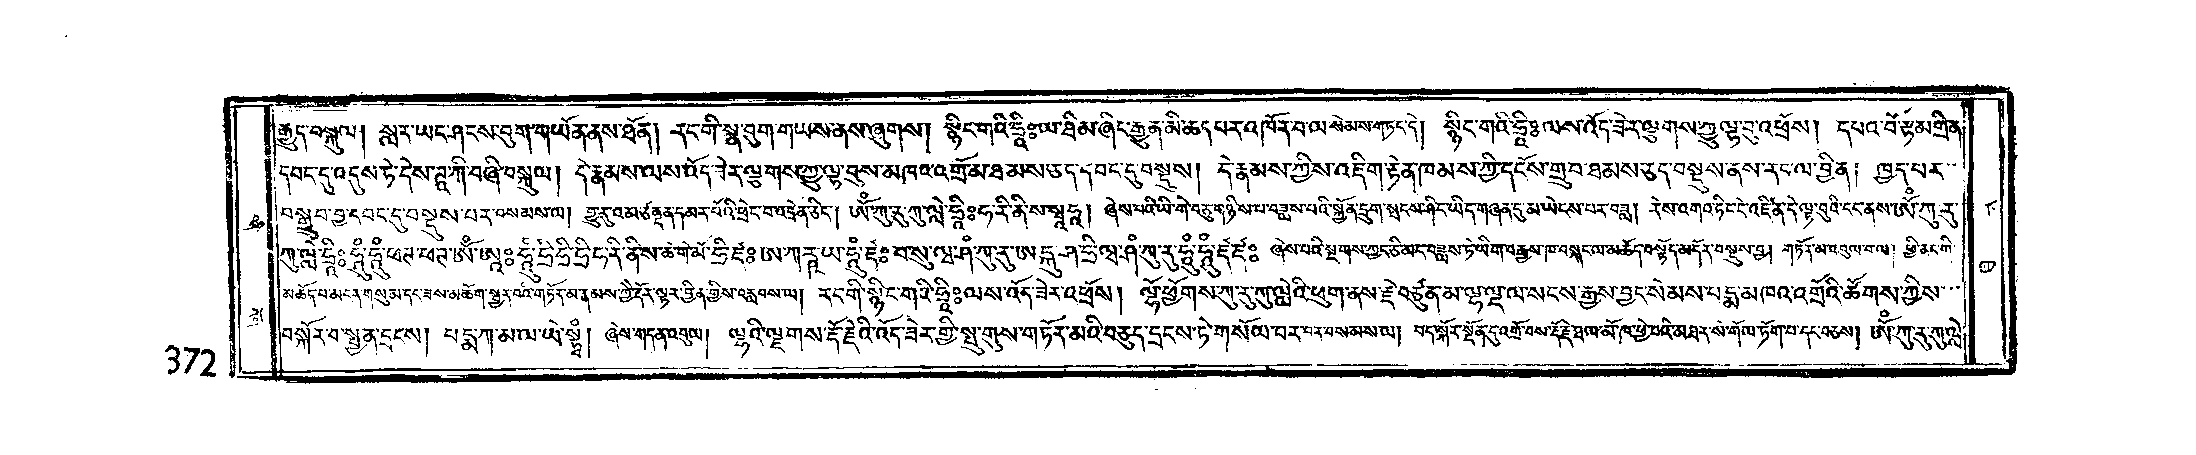རྒྱུད་བསྐུལ། སླར་ཡང་ཤངས་བུག་གཡོན་ནས་ཐོན། རང་གི་སྣ་བུག་གཡས་ནས་ཞུགས། སྙིང་གའི་ཧྲཱིཿ ལ་ཐིམ་ཞིང་རྒྱུན་མི་ཆད་པར་འཁོར་བ་ལ་སེམས་གཏང་དེ། སྙིང་གའི་ཧྲཱིཿ ལས་འོད་ཟེར་ལྕགས་ཀྱུ་ལྟ་བུ་འཕྲོས། དཔའ་བོ་རྟ་མགྲིན་
དབང་དུ་འདུས་ཏེ་དེས་ཌཱ་ཀི་བཞི་བསྐུལ། དེ་རྣམས་ལས་འོད་ཟེར་ལྕགས་ཀྱུ་ལྟ་བུས་མཁའ་འགྲོ་མ་ཐམས་ཅད་དབང་དུ་བསྡུས། དེ་རྣམས་ཀྱིས་འཇིག་རྟེན་ཁམས་ཀྱི་དངོས་གྲུབ་ཐམས་ཅད་བསྡུས་ནས་རང་ལ་བྱིན། ཁྱད་པར་
བསྒྲུབ་བྱ་དབང་དུ་བསྡུས་པར་བསམས་ལ། བྱུ་རུ་འམ་ཙནྡན་དམར་པོའི་ཕྲེང་བ་འདྲེན་ཅིང་། ཨོཾ་ཀུ་རུ་ཀུ་ལླེ་ཧྲཱིཿ ཧ་རི་ནི་ས་སྭཱཧཱ། ཞེས་པའི་ཡི་གེ་བཅུ་གཉིས་པ་བཟླས་པའི་སྐྱོན་དྲུག་སྤངས་ཤིང་ཡིད་གཞན་དུ་མ་ཡེངས་པར་བཟླ། རེས་འགའ་ཏིང་ངེ་འཛིན་དེ་ལྟ་བུའི་ངང་ནས་ཨོཾ་ཀུ་རུ་
ཀུ་ལླེ་ཧྲཱིཿ ཧཱུཾ་ཧཱུཾ་ཕཊ་ཕཊ་ཨོཾ་ཨཱཿ ཧཱུཾ་ཧྲི་ཧྲི་ཧྲི་ཧ་རི་ནི་ས་ཆེ་གེ་མོ་ཧྲི་ཛཿ ཨ་ཀརྵ་ཡ་ཧཱུཾ་ཛཿ བ་སུ་ཝ་ཤཾ་ཀུ་རུ་ཨངྐུ་ཤ་ཧྲི་ཝ་ཤཾ་ཀུ་རུ་ཧཱུཾ་ཧཱུཾ་ཛ་ཛཿ ཞེས་པའི་སྔགས་ཀྱང་ཅི་མང་བཟླས་ཏེ་ཡིག་བརྒྱས་ཁ་བསྐང་ལ་མཆོད་བསྟོད་མདོར་བསྡུས་བྱ། གཏོར་མ་འབུལ་བ་ལ། ཕྱི་ནང་གི་
མཆོད་པ་མངར་གསུམ་དང་ཟས་མཆོག་སྦྱར་བའི་གཏོར་མ་རྣམས་ཀྱཻ་རྡོར་ལྟར་བྱིན་གྱིས་བརླབས་ལ། རང་གི་སྙིང་གའི་ཧྲཱིཿ ལས་འོད་ཟེར་འཕྲོས། ལྷོ་ཕྱོགས་ཀུ་རུ་ཀུ་ལླེའི་ཕུག་ནས་རྗེ་བཙུན་མ་ལྷ་ལྔ་ལ་སངས་རྒྱས་བྱང་སེམས་པདམ་མཁའ་འགྲོའི་ཚོགས་ཀྱིས་
བསྐོར་བ་སྤྱན་དྲངས། པདམ་ཀ་མ་ལ་ཡེ་སྟྭཾ། ཞེས་གདན་འབུལ། ལྷའི་ལྗགས་རྡོ་རྗེའི་འོད་ཟེར་གྱི་སྤུ་གུས་གཏོར་མའི་བཅུད་དྲངས་ཏེ་གསོལ་བར་བར་བསམས་ལ། བད་སྐོར་སྔོན་དུ་འགྲོ་བས་རྡོ་རྗེ་ཐལ་མོ་ཁ་ཕྱེ་བའི་མཐར་སེ་གོལ་ཏོག་པ་དང་བཅས། ཨོཾ་ཀུ་རུ་ཀུ་ལླེ་